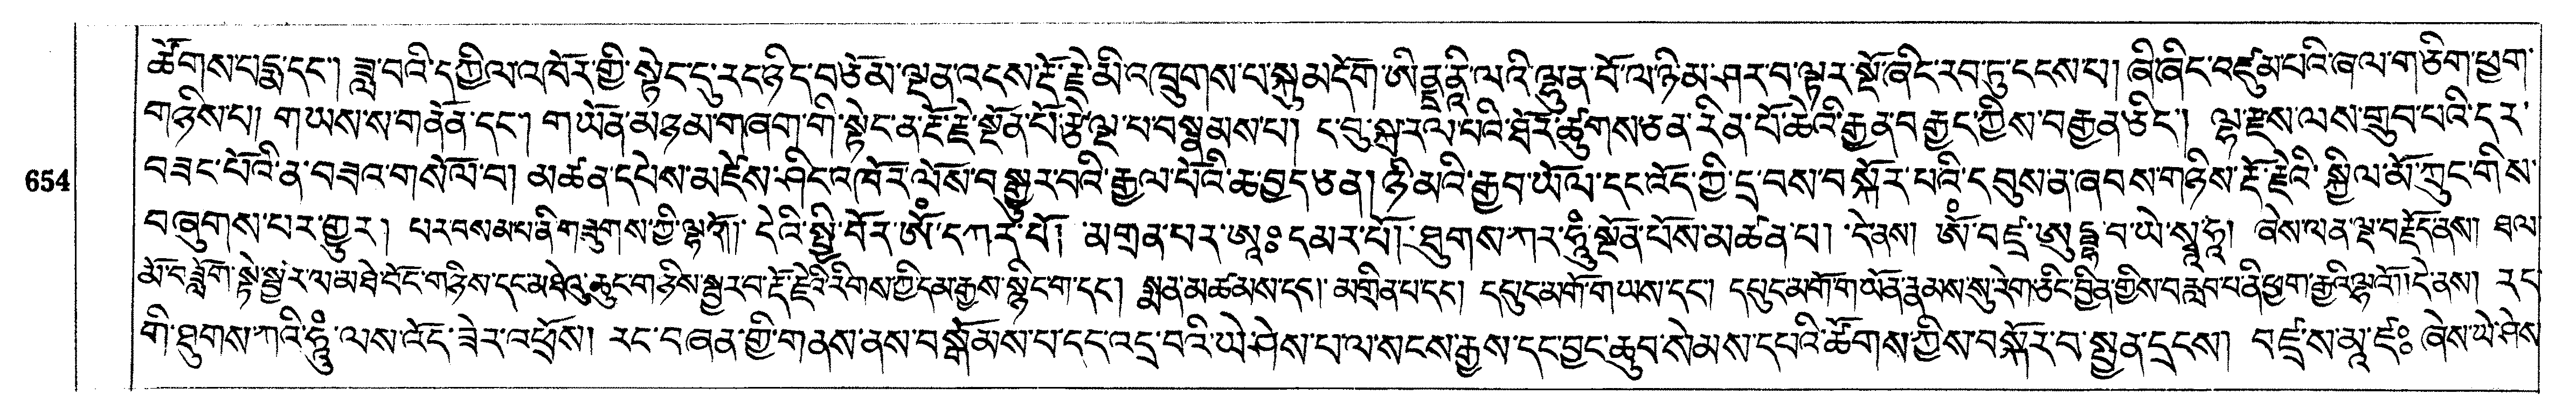ཚོགས་པདམ་དང་། ཟླ་བའི་དཀྱིལ་འཁོར་གྱི་སྟེང་དུ་རང་ཉིད་བཅོམ་ལྡན་འདས་རྡོ་རྗེ་མི་འཁྲུགས་པ་སྐུ་མདོག་ཨིནྡྲ་ནཱི་ལའི་ལྷུན་པོ་ལ་ཉི་མ་ཤར་བ་ལྟར་སྔོ་ཞིང་རབ་ཏུ་དངས་པ། ཞི་ཞིང་འཛུམ་པའི་ཞལ་གཅིག་ཕྱག་
གཉིས་པ། གཡས་ས་གནོན་དང་། གཡོན་མཉམ་གཞག་གི་སྟེང་ན་རྡོ་རྗེ་སྔོན་པོ་རྩེ་ལྔ་པ་བསྣམས་པ། ང་བུ་སྐྲ་རལ་པའི་ཐོར་ཚུགས་ཅན་རིན་པོ་ཆེའི་རྒྱན་བརྒྱད་ཀྱིས་བརྒྱན་ཅིང་། ལྷ་རྫས་ལས་གྲུབ་པའི་དར་
བཟང་པོའི་ན་བཟའ་གསོལ་བ། མཚན་དཔེས་མཛེས་ཤིང་འཁོར་ལོས་བསྒྱུར་བའི་རྒྱལ་པོའི་ཆ་བྱད་ཅན། ཉི་མའི་རྒྱབ་ཡོལ་དང་འོད་ཀྱི་དྲ་བས་བསྐོར་པའི་དབུས་ན་ཞབས་གཉིས་རྡོ་རྗེའི་སྐྱིལ་མོ་ཀྲུང་གིས་
བཞུགས་པར་གྱུར། པར་བསམ་པ་ནི་གཞུགས་ཀྱི་ལྷའོ་། །དེའི་སྤྱི་བོར་ཨོཾ་དཀར་པོ། མགྲིན་པར་ཨཱཿ དམར་པོ། ཐུགས་ཀར་ཧཱུཾ་སྔོན་པོས་མཚན་པ། དེ་ནས། ཨོཾ་བཛྲ་ཨུདབྷ་བ་ཡེ་སྭཱ་ཧཱ། ཞེས་ལན་ལྔ་བརྗོད་ནས། ཐལ་
མོ་བཟློག་སྟེ་སྦྱར་ལ་མཐེ་བོང་གཉིས་དང་མཐེའུ་ཆུང་གཉིས་སྦྱར་བ་རྡོ་རྗེའི་རིགས་ཀྱི་དམ་རྒྱས་སྙིང་ག་དང་། སྨན་མཚམས་དང་། མགྲིན་པ་དང་། དཔུང་མགོ་གཡས་དང་། དཔུང་མགོ་གཡོན་རྣམས་སུ་རེག་ཅིང་བྱིན་གྱིས་བརླབ་པ་ནི་ཕྱག་རྒྱའི་ལྷའོ། །དེ་ནས། རང་
གི་ཐུགས་ཀའི་ཧཱུཾ་ལས་འོད་ཟེར་འཕྲོས། རང་བཞན་གྱི་གནས་ནས་བསྒོམས་པ་དང་འདྲ་བའི་ཡེ་ཤེས་པ་ལ་སངས་རྒྱས་དང་བྱང་ཆུབ་སེམས་དཔའི་ཚོགས་ཀྱིས་བསྐོར་བ་སྤྱན་དྲངས། བཛྲ་ས་མཱ་ཛཿ ཞེས་ཡེ་ཤེས་